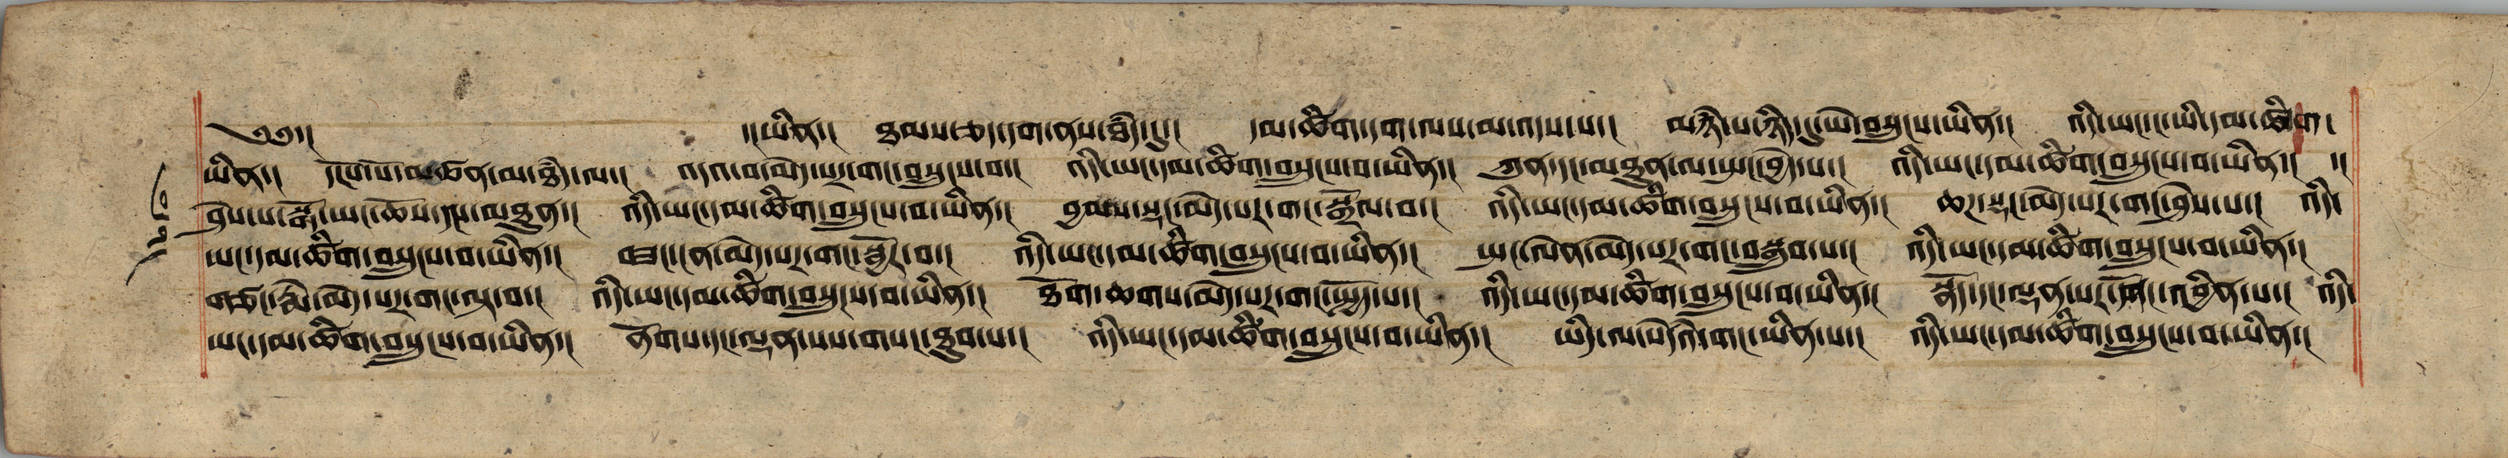་།ཡིན་། ཐམས་ཅད་དག་ནས་ཐཾད་དུ་། དམ་ཚིག་དག་ལས་མ་འདས་པ་། མཉཾ་པ་ཉིད་དུ་ཡེ་བསྲུངས་ཡིན་། འདི་ཡང་ང་ཡི་དམ་ཚིག་
ཡིན་། དངོས་པོ་མཚན་མ་ཐཾད་ལ་། འདའ་བ་མེད་པར་གང་བསྲུངས་བ་། འདི་ཡང་དམ་ཚིག་བསྲུངས་བ་ཡིན་། ཀུན་དང་མཐུན་ལ་སྤང་བྱེད་པ་། འདི་ཡང་དམ་ཚིག་བསྲུངས་བ་ཡིན་།
ཤེས་པ་སྒོ་ཡང་ཆོས་དང་མཐུན་། འདི་ཡང་དམ་ཚིག་བསྲུངས་བ་ཡིན་། བྱམས་སྡང་མེད་པར་གང་སྒྲོལ་བ་། འདི་ཡང་དམ་ཚིག་བསྲུངས་བ་ཡིན་། ཆཌ་སྡང་མེད་པར་གང་ཤེས་པ་། འདི་
ཡང་དམ་ཚིག་བསྲུངས་བ་ཡིན་། བཟང་ངན་མེད་པར་གང་སྦྱོར་བ་། འདི་ཡང་དམ་ཚིག་བསྲུངས་བ་ཡིན་། སྤང་ལེན་མེད་པར་གང་བསྒྲུབ་པ་། འདི་ཡང་དམ་ཚིག་བསྲུངས་བ་ཡིན་།
གཙང་རྨེ་མེད་པར་གང་ལྟ་བ་། འདི་ཡང་དམ་ཚིག་བསྲུངས་བ་ཡིན་། ཐོག་ཆགས་མེད་པར་གང་སྤྱོད་པ་། འདི་ཡང་དམ་ཚིག་བསྲུངས་བ་ཡིན་། སྣོད་དང་ལྡན་པར་དགོང་འབྱིན་པ་། འདི་
ཡང་དམ་ཚིག་བསྲུངས་བ་ཡིན་། ནོགས་དང་ལྡན་པས་གསང་ཐུབ་པ་། འདི་ཡང་དམ་ཚིག་བསྲུངས་བ་ཡིན་། ཡིད་ལ་སེདཾའ་གང་ཡིན་པ་། འདི་ཡང་དམ་ཚིག་བསྲུངས་བ་ཡིན་།